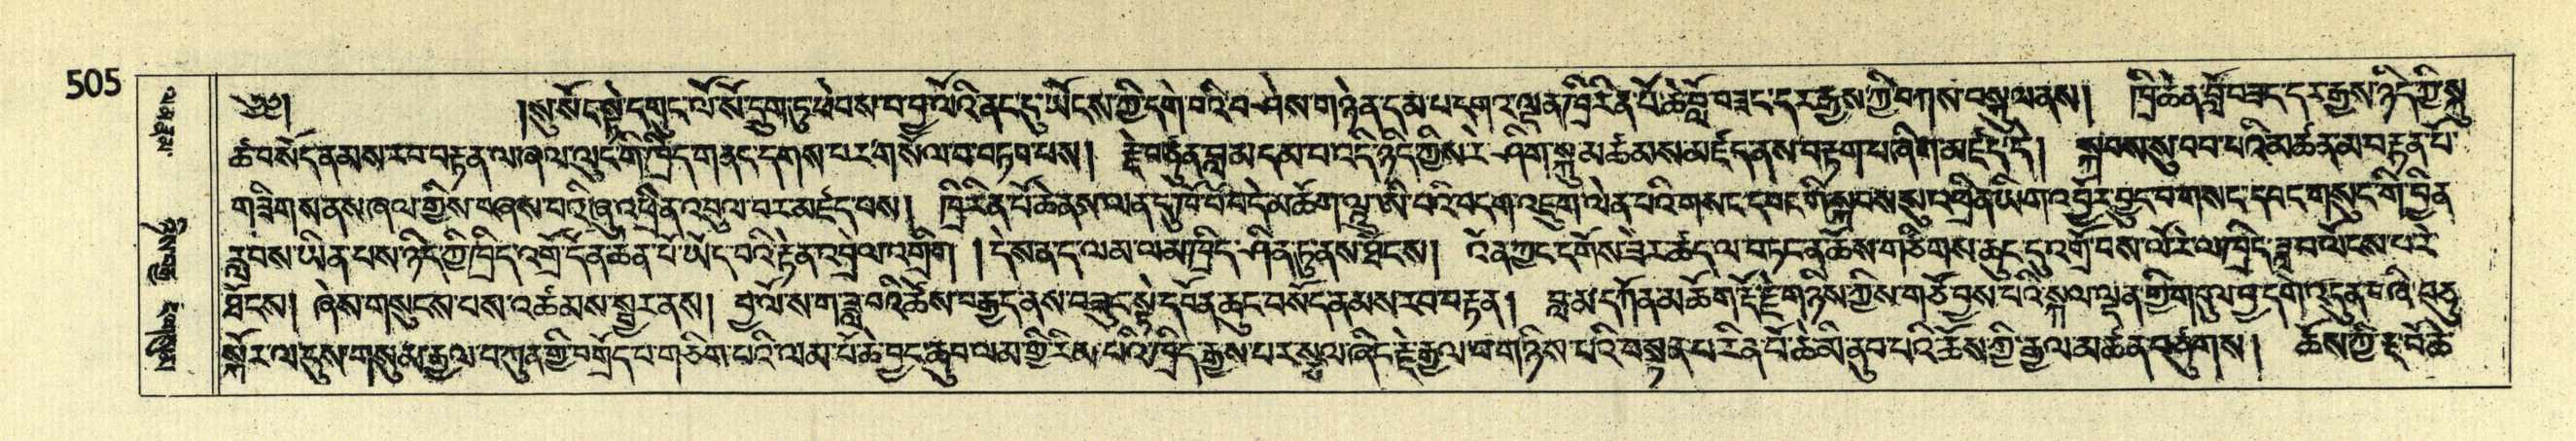༄༅། །སུ་སོང་སྟེ་དགུང་ལོ་སོ་དྲུག་ཏུ་ཕེབས་བ་བྱ་ལོའི་ནང་དུ་ཡོངས་ཀྱི་དགེ་བའི་བཤེས་གཉེན་དམ་པ་དགའ་ལྡན་ཁྲི་རིན་པོ་ཆེ་བློ་བཟང་དར་རྒྱས་ཀྱི་བཀས་བསྐུལ་ནས། ཁྲི་ཆེན་བློ་བཟང་དར་རྒྱས་ཉིད་ཀྱི་སྐུ་
ཚ་བསོད་ནམས་རབ་བརྟན་ལ་ཞལ་ལུང་གི་ཁྲིད་གནང་དགས་པར་གསོལ་བ་བཏབ་པས། རྗེ་བཙུན་བླ་མ་དམ་པ་འདི་ཉིད་ཀྱིས་རེ་ཤིག་སྐུ་མཚམས་མཛད་ནས་བརྟག་པ་ཞིག་མཛད་དེ། སྐབས་སུ་བབ་པའི་མཚན་མ་བརྟན་པོ་
གཟིགས་ནས་ཞལ་གྱིས་བཞས་པའི་ཞུ་འཕྲིན་འབུལ་བར་མཛད་པས། ཁྲི་རིན་པོ་ཆེ་ནས་ལན་དུ་ཁོ་བོ་བདེ་མཆོག་ལཱུ་ཨི་བའི་བདག་འཇུག་ལེན་པའི་གསང་དབང་གི་སྐབས་སུ་འཕྲིན་ཡིག་འབྱོར་བྱུང་བ་གསང་དབང་གསུང་གི་བྱིན་
རླབས་ཡིན་པས་ཉིད་ཀྱི་ཁྲིད་འགྲོ་དོན་ཆེན་པོ་ཡོད་པའི་བརྟེན་འབྲེལ་འགྲིག །དེས་ན་ད་ལམ་ལམ་ཁྲིད་ཤིན་ཏུ་ནས་ཐོངས། འོན་ཀྱང་དགོས་ཟེར་ཚད་ལ་བཏང་ན་ཆོས་གཙིགས་ཆུང་དུ་འགྲོ་བས་ལོ་རེ་ལ་ཁྲིད་ཟླ་བ་ལོངས་པའི་
ཐོངས། ཞེས་གསུངས་པས་འཚམས་སྦྱར་ནས། བྱ་ལོ་ས་ག་ཟླ་བའི་ཆེས་བརྒྱད་ནས་བཟུང་སྟེ་དབོན་ཆུང་བསོད་ནམས་རབ་བརྟན། བླ་མ་དཀོན་མཆོག་རྡོ་རྗེ་གཉིས་ཀྱིས་གཙོ་བྱས་པའི་སྐལ་ལྡན་གྱི་གདུལ་བྱ་དགེ་འདུན་བཞི་བཅུ་
སྐོར་ལ་དུས་གསུམ་རྒྱལ་བ་ཀུན་གྱི་བགྲོད་པ་གཅིག་པའི་ལམ་པོ་ཆེ་བྱང་ཆུབ་ལམ་གྱི་རིམ་པའི་ཁྲིད་རྒྱས་པར་སྩལ་ཞིང་རྗེ་རྒྱལ་བ་གཉིས་པའི་བསྟན་པ་རིན་པོ་ཆེ་མི་ནུབ་པའི་ཆོས་ཀྱི་རྒྱལ་མཚན་བཙུགས། ཆོས་ཀྱི་རྔ་བོ་ཆེ་